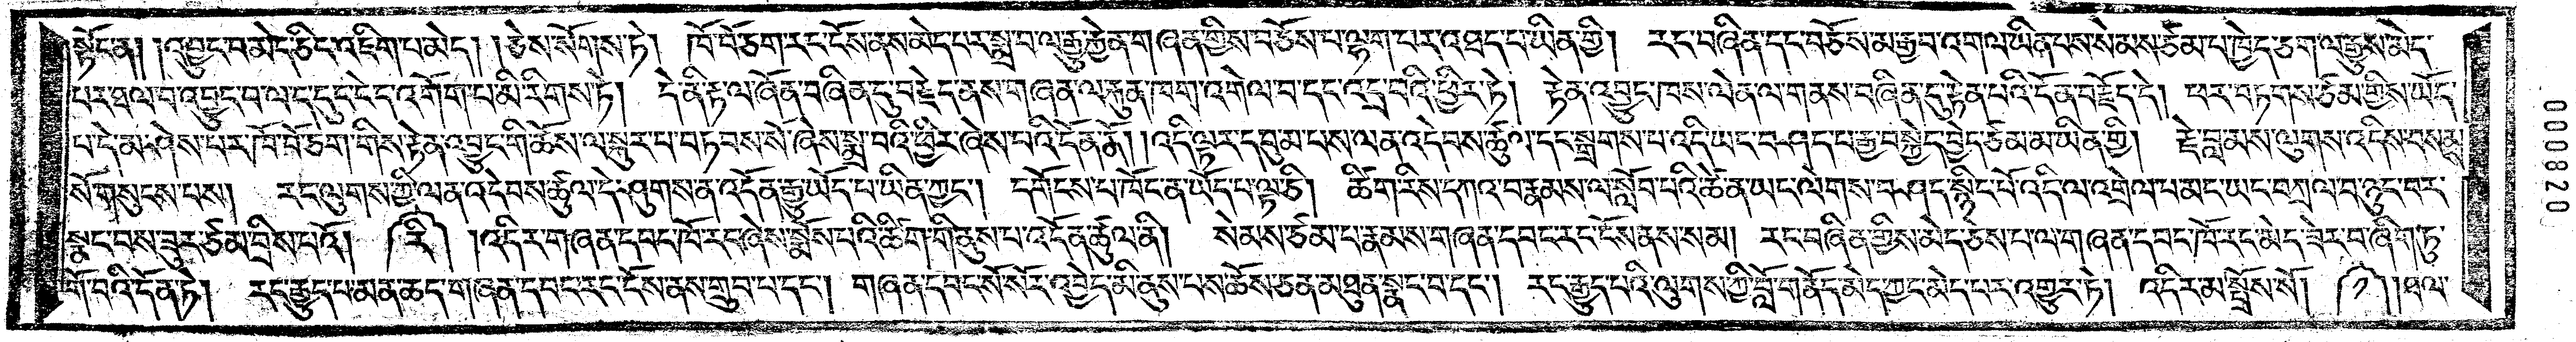སྟོང་ན། །འབྱུང་བ་མེད་ཅིང་འཇིག་པ་མེད། །ཅེས་སོགས་ཏེ། ཁོ་བོ་ཅག་རང་ངོས་ནས་མེད་པར་སྨྲ་བ་ལ་རྒྱུ་རྐྱེན་གཞན་གྱིས་བཅོས་པ་ལྷག་པར་འཐད་པ་ཡིན་གྱི། རང་བཞིན་དང་བཅོས་མ་རྒྱབ་འགལ་ཡིན་པས་སེམས་ཙམ་པ་ཁྱེད་ཅག་ལ་རྒྱུས་མེད་
པར་ཐལ་བ་འབྱུང་བ་ལ་ད་དུང་ངེད་འགོག་པ་མི་རིགས་ཏེ། དེ་ནི་རྟ་ལ་ཞོན་བཞིན་དུ་བརྗེད་ནས་གཞན་ལ་རྐུན་ཁག་འགེལ་བ་དང་འདྲ་བའི་ཕྱིར་ཏེ། རྟེན་འབྱུང་ཁས་ལེན་ལ་གནས་བཞིན་དུ་རྟེན་པའི་དོན་བརྗེད་དེ། ཕར་བཏགས་ཙམ་གྱིས་ཡོད་
པ་དེ་མ་ཤེས་པར་ཁོ་བོ་ཅག་གིས་རྟེན་འབྱུང་གི་ཆོས་ལ་སྐུར་བ་བཏབས་སོ་ཞེས་སྨྲ་བའི་ཕྱིར་ཞེས་པའི་དོན་ནོ། །འདི་ལྟར་དབུ་མ་པས་ལན་འདེབས་ཚུལ་དང་སྒྲགས་པ་འདི་ཡང་བཤད་པ་རྒྱ་བསྐྱེད་བྱེད་ཙམ་མ་ཡིན་གྱི། རྗེ་བླ་མས་ལུགས་འདིས་བསམས་
སོ་གསུངས་པས། རང་ལུགས་ཀྱི་ལན་འདེབས་ཚུལ་དེ་ཤུགས་ན་འདོན་རྒྱུ་ཡོད་པ་ཡིན་ཀྱང་། དགོངས་པ་ཁོང་ན་ཡོད་པ་ལྟ་ཅི། ཚིག་རིས་དཀའ་བ་རྣམས་ལ་སློབ་པའི་ཚེ་ན་ཡང་ལེགས་བཤད་སྙིང་པོ་འདི་ལ་འགྲེལ་པ་མང་ཡང་བཀྲལ་བ་ཉུང་བར་
སྣང་བས་ཟུར་ཙམ་བྲིས་པའོ། ༼རི༽ །འདིར་གཞན་དབང་ཁོ་རང་ཞེས་སྨོས་པའི་ཚིག་གི་ནུས་པ་འདོན་ཚུལ་ནི། སེམས་ཙམ་པ་རྣམས་གཞན་དབང་རང་ངོས་ནས་སམ། རང་བཞིན་གྱིས་མེད་ཅེས་པ་ལ་གཞན་དབང་ཁོ་རང་མེད་ཟེར་བ་ཞིག་ཏུ་
གོ་བའི་དོན་ཏེ། རང་རྒྱུད་པ་མན་ཆད་གཞན་དབང་རང་ངོས་ནས་གྲུབ་པ་དང་། གཞན་དབང་སོ་སོར་འབྱེད་མི་ནུས་པས་ཆོས་ཅན་མཐུན་སྣང་བ་དང་། རང་རྒྱུད་པའི་ལུགས་ཀྱི་བློ་གནོད་མེད་ཀྱང་མེད་པར་འགྱུར་ཏེ། འདིར་མ་སྤྲོས་སོ། ༼༡༽ །ཐལ་